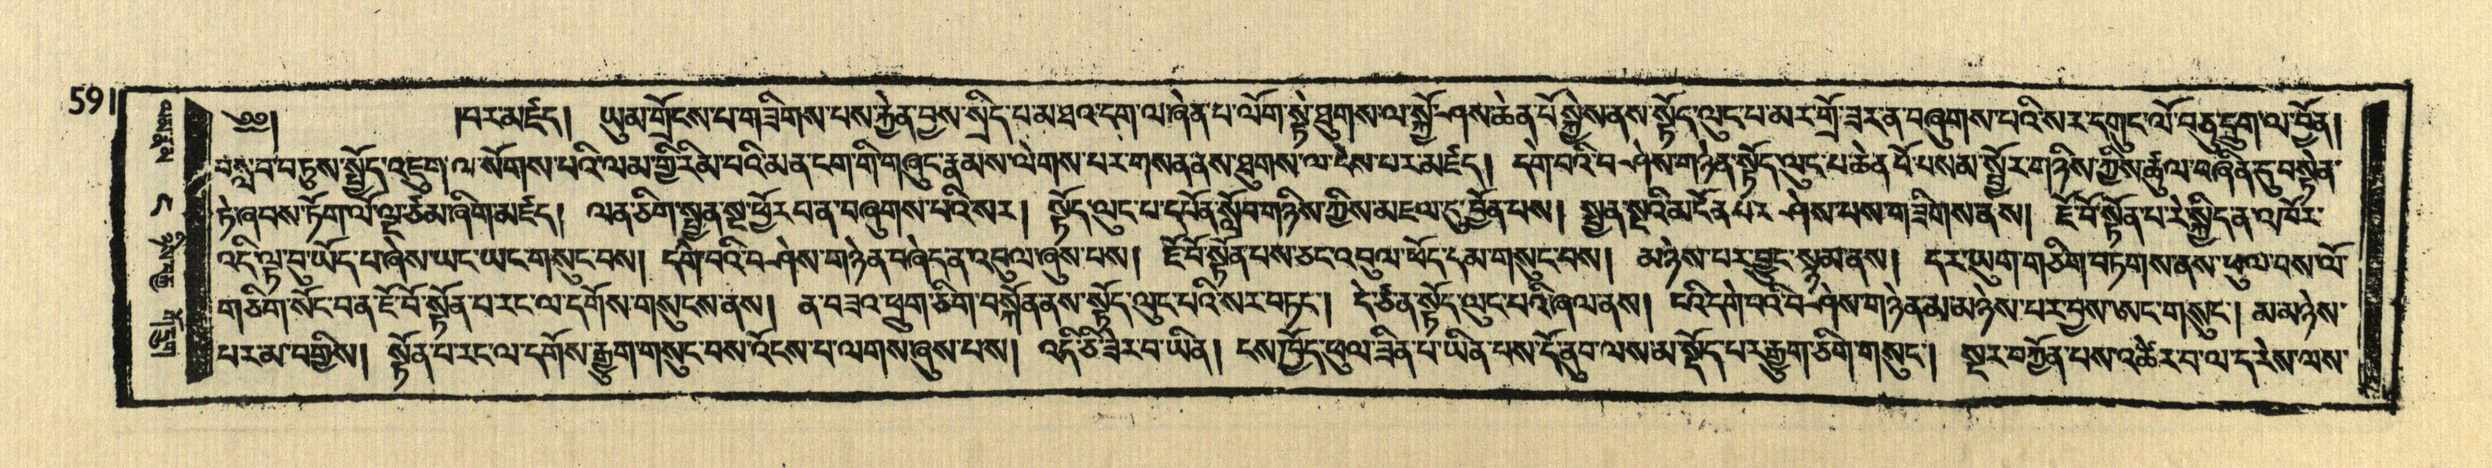༄༅། །བར་མཛད། ཡུམ་གྲོངས་པ་གཟིགས་པས་རྐྱེན་བྱས་སྲིད་པ་མཐའ་དག་ལ་ཞེན་པ་ལོག་སྟེ་ཐུགས་ལ་སྐྱོ་ཤས་ཆེན་པོ་སྐྱེས་ནས་སྟོད་ལུང་པ་མར་གྲོ་ཟར་ན་བཞུགས་པའི་སར་དགུང་ལོ་བཅུ་དྲུག་ལ་བྱོན།
བསླབ་བཏུས་སྤྱོད་འཇུག་ལ་སོགས་པའི་ལམ་གྱི་རིམ་པའི་མན་ངག་གི་གཞུང་རྣམས་ལེགས་པར་གསན་ནས་ཐུགས་ལ་ངེས་པར་མཛད། དགེ་བའི་བཤེས་གཉེན་སྟོད་ལུང་པ་ཆེན་པོ་བསམ་སྦྱོར་གཉིས་ཀྱིས་ཚུལ་བཞིན་དུ་བསྟེན་
ཏེ་ཞབས་ཏོག་ལོ་ལྔ་ཙམ་ཞིག་མཛད། ལན་ཅིག་སྤྱན་སྔ་ཕྱོར་པ་ན་བཞུགས་པའི་སར། སྟོད་ལུང་པ་དཔོན་སློབ་གཉིས་ཀྱིས་མཇལ་དུ་བྱོན་པས། སྤྱན་སྔའི་མངོན་པར་ཤེས་པས་གཟིགས་ནས། ཇོ་བོ་སྟོན་པ་རེ་སྐྱིད་ན་འཁོར་
འདི་ལྟ་བུ་ཡོད་པ་ཞེས་ཡང་ཡང་གསུང་བས། དགེ་བའི་བཤེས་གཉེན་བཞེད་ན་འབུལ་ཞུས་པས། ཇོ་བོ་སྟོན་པས་ཅང་འབུལ་ཕོད་དམ་གསུང་བས། མཉེས་པར་བྱུང་སྙམ་ནས། དར་ཡུག་གཅིག་བཏགས་ནས་ཕུལ་བས་ལོ་
གཅིག་སོང་བ་ན་ཇོ་བོ་སྟོན་པ་རང་ལ་དགོས་གསུངས་ནས། ན་བཟའ་ཕྲུག་ཅིག་བསྐོན་ནས་སྟོད་ལུང་པའི་སར་བཏང་། དེ་ཙ་ན་སྟོང་ལུང་བའི་ཞལ་ནས། ངའི་དགེ་བའི་བཤེས་གཉེན་མ་མཉེས་པར་བྱས་ཨང་གསུང་། མ་མཉེས་
པར་མ་བགྱིས། སྟོན་པ་རང་ལ་དགོས་རྒྱུག་གསུང་བས་འོངས་པ་ལགས་ཞུས་པས། འདི་ཅི་ཟེར་བ་ཡིན། ངས་ཁྱོད་ཕུལ་ཟིན་པ་ཡིན་པས་དོ་ནུབ་ལས་མ་སྡོད་པར་རྒྱུག་ཅིག་གསུང་། སྔར་བཀྱོན་པས་འཚེར་བ་ལ་ད་རེས་ལས་